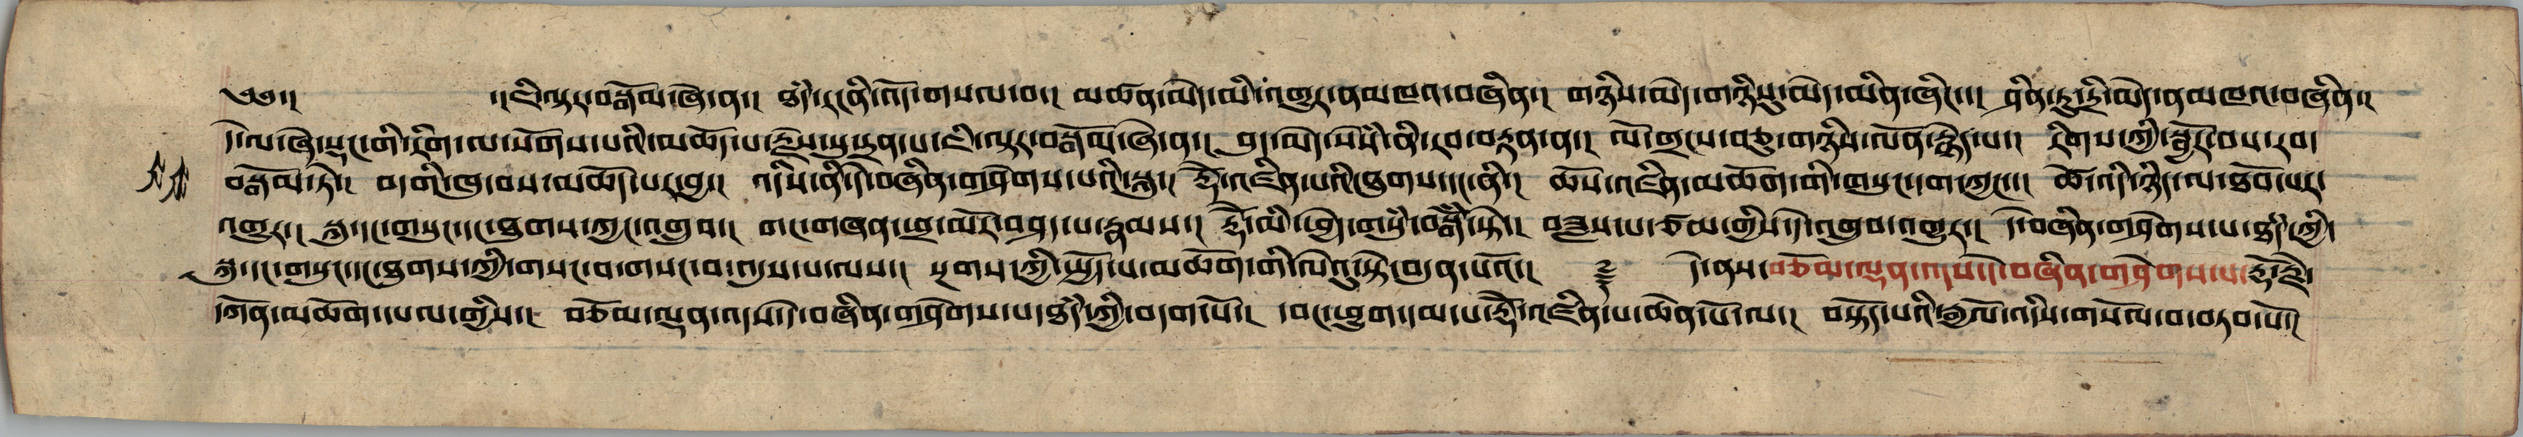༄༅་། ་།ཇི་ལྟར་བསྒོམ་ཞེ་ན་། ཐཾད་རངིན་འོད་གསལ་བ་། མཚན་མེད་མི་འགྱུར་ནམཁའ་བཞིན་། གཉིས་མེད་གཉིསུ་མེད་མིན་ཞིང་་། ཤིན་ཏུ་དྲི་མེད་ནམ་མཁའ་བཞིན་།
དེ་ལ་ཞེ་སྡང་གི་རིག་ལ་སོགས་པའི་མཆོད་པ་རྗེས་སུ་དྲན་པ་ཇི་ལྟར་བསྒོམ་ཞེ་ན་། བུད་མེད་སེཾས་ནི་རབ་བརྟན་ན་། ལོ་གྲངས་བཅུ་གཉིས་ལོན་རྙེད་པ་། རིགས་ཀྱི་སྦྱོར་བས་རབ་
བསྒོམ་ཏེ་། བདགི་ཁུ་བས་མཆོད་པར་བྱ་། འདིས་ནི་དེ་བཞིན་གཤེགས་པའི་སྐུ་། རྡོེ་འཛིན་པའི་ཐུགས་དང་ནི་། ཆོས་འཛིན་མཆོག་གི་གསུང་དག་ཀྱང་་། ཚེ་འདི་ཉིད་ལ་ཐོབ་པར་
འགྱུར་། སྐུ་དང་གསུང་དང་ཐུགས་ཀྱང་འགྲུབ་། གང་གཞན་ཕྲ་མོར་བཤད་པ་རྣམས་། རྡོེ་མི་ཕྱེད་གསུཾ་བསྒོཾ་སྟེ་། བཟླས་པ་ཙམ་གྱིས་དེ་འགྲུབ་འགྱུར་། དེ་བཞིན་གཤེགས་པ་ཐཾད་ཀྱི་
སྐུ་དང་གསུང་དང་ཐུགས་ཀྱི་གསང་བ་འདུས་པ་ལས་། སྔགས་ཀྱི་སྤྱོད་པ་མཆོག་གི་ལེའུ་སྟེ་བདུན་པའོ་། ༈ དེ་ནས་བཅོམ་ལྡན་འདས་དེ་བཞིན་གཤེགས་པ་རྡོ་རྗེ་
དཀོན་མཆོག་དཔལ་གྱིས་། བཅོམ་ལྡན་འདས་དེ་བཞིན་གཤེགས་པ་ཐཾད་ཀྱི་བདག་པོ་། དབང་ཕྱུག་དམ་པ་རྡོེ་འཛིན་པ་ཆེན་པོ་ལ་། བསྟོད་པའི་རྒྱལོ་འདིས་གསོལ་བ་བཏབ་པོ་།